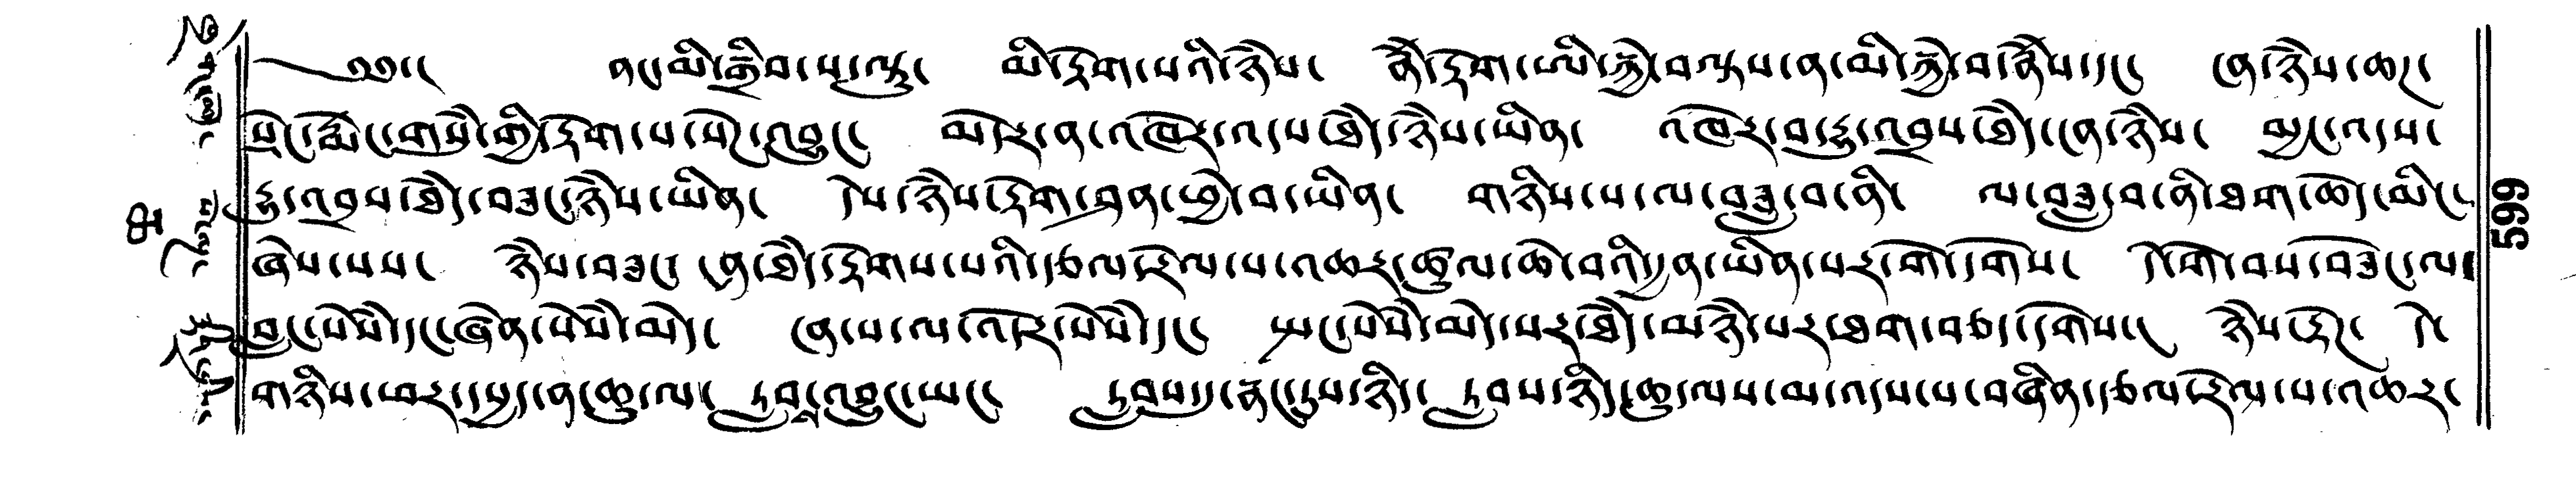ནང་མི་སྒྲིབ་པ་ལྟ་བུ། མི་རྟོག་པའི་ཉམས། རྣམ་རྟོག་ཨི་སྐྱེ་བལྟས་ན་མི་སྐྱེ་བ་རྣམས་དང་། ངན་ཉམས་ཆགས་
སྡང་རྨོངས་གསུམ་གྱི་རྟོག་པ་སོགས་འབྱུང་། མདོར་ན་འཁོར་འདས་ཐམས་ཅད་ཉམས་ཡིན། འཁོར་བ་རྒྱུ་འབྲས་ཐམས་ཅད་ངན་ཉམས། མྱང་འདས་
རྒྱུ་འབྲས་ཐམས་ཅད་བཟང་ཉམས་ཡིན། དེས་ཉམས་རྟོག་ཤན་ཕྱེ་བ་ཡིན། གཉིས་པ་ལ་བཟླ་བ་ནི། ལ་བཟླ་བ་ནི་ཐག་ཆོད་མིང་། 
ཞེས་པས། ཉམས་བཟང་ངན་ཐམས་ཅད་རྟོགས་པའི་རྩལ་རོལ་པ་འཆར་ཚུལ་ཆེ་བའི་རྒྱན་ཡིན་པར་གོ་དགོས། དེ་གོ་བས་བཟང་པོ་ལ་
བླང་སེམས་དང་ཞེན་སེམས་མེད། ངན་པ་ལ་འདོར་སེམས་དང་། སྤང་སེམས་མེད་པར་ཐམས་ཅད་མཉམ་པར་ཐག་བཅད་དགོས། ཉམས་རྟོགས་དེ་
གཉིས་ཕར་དཔྱད་ན་ཆུ་ལ་རླབས་འབྱུང་ཡང་། རླབས་སུ་སྣང་དུས་ཉིད། རླབས་ཉིད་ཆུད་ལས་མ་འདས་པ་བཞིན་རྩལ་རོལ་པར་འཆར་